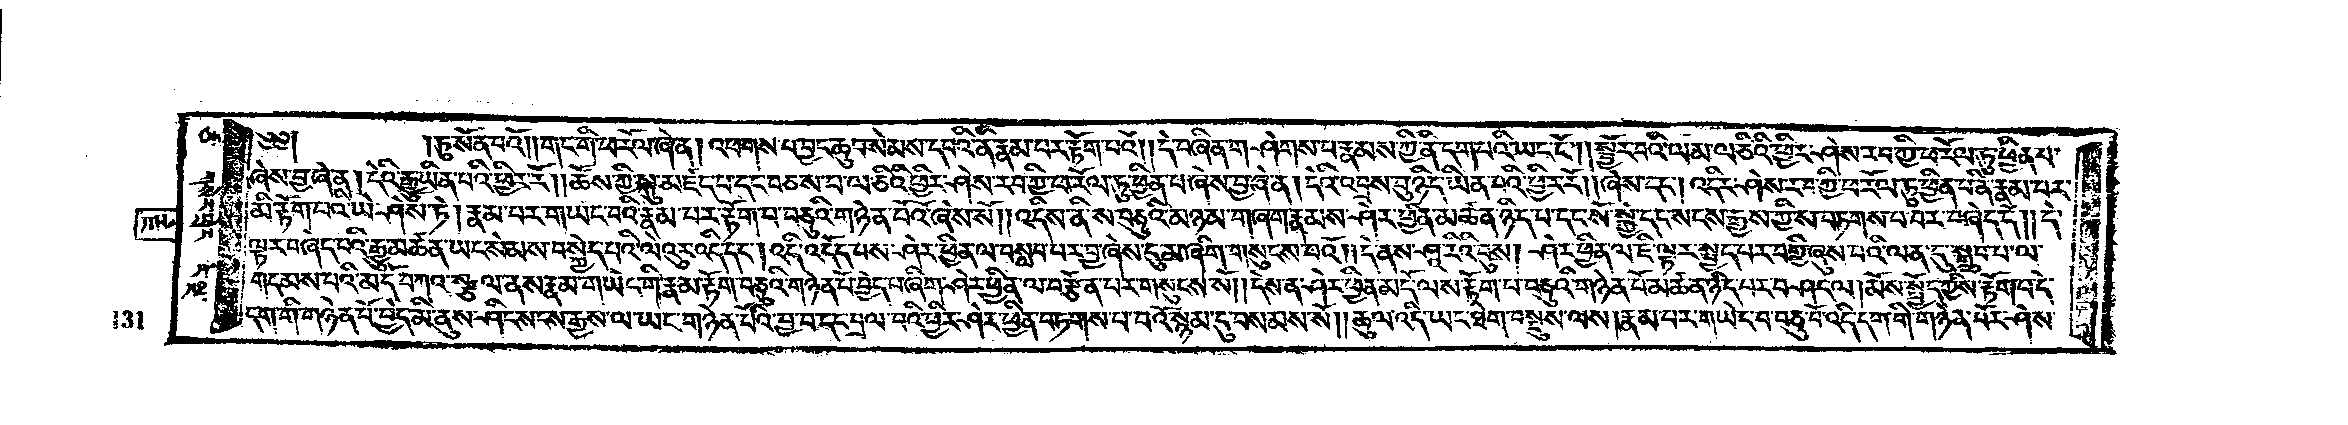༄༅། །ཏུ་སོན་པའོ། །གང་གི་ཕ་རོལ་ཞེ་ན། འཕགས་པ་བྱང་ཆུབ་སེམས་དཔའི་ནི་རྣམ་པར་རྟོག་པའོ། །དེ་བཞིན་གཤེགས་པ་རྣམས་ཀྱི་ནི་དག་པའི་ཡང་ངོ། །སྦྱོར་བའི་ལམ་ལ་ཅིའི་ཕྱིར་ཤེས་རབ་ཀྱི་ཕ་རོལ་ཏུ་ཕྱིན་པ་
ཞེས་བྱ་ཞེ་ན། དེའི་རྒྱུ་ཡིན་པའི་ཕྱིར་རོ། །ཆོས་ཀྱི་སྐུ་མཛད་པ་དང་བཅས་པ་ལ་ཅིའི་ཕྱིར་ཤེས་རབ་ཀྱི་ཕ་རོལ་ཏུ་ཕྱིན་པ་ཞེས་བྱ་ཞེ་ན། དེའི་འབྲས་བུ་ཉིད་ཡིན་པའི་ཕྱིར་རོ། །ཞེས་དང་། འདིར་ཤེས་རབ་ཀྱི་ཕ་རོལ་ཏུ་ཕྱིན་པ་ནི་རྣམ་པར་
མི་རྟོག་པའི་ཡེ་ཤེས་ཏེ། རྣམ་པར་གཡེང་བའི་རྣམ་པར་རྟོག་པ་བཅུའི་གཉེན་པོའོ་ཞེས་སོ། །འདིས་ནི་ས་བཅུའི་མཉམ་གཞག་རྣམས་ཤེར་ཕྱིན་མཚན་ཉིད་པ་དང་སོ་སྐྱེ་དང་སངས་རྒྱས་ཀྱི་ས་བཏགས་པ་བར་བཞེད་དོ། །དེ་
ལྟར་བཞེད་པའི་རྒྱུ་མཚན་ཡང་སེམས་བསྐྱེད་པའི་ལེའུར་འདི་དང་། འདི་འདོད་པས་ཤེར་ཕྱིན་ལ་བསླབ་པར་བྱ་ཞེས་དུ་མ་ཞིག་གསུངས་པའོ། །དེ་ནས་ཤཱ་རིའི་བུས། ཤེར་ཕྱིན་ལ་ཇི་ལྟར་སྤྱད་པར་བགྱི་ཞུས་པའི་ལན་དུ་སྒྲུབ་པ་ལ་
གདམས་པའི་མདོ་བཀའ་སྩལ་ནས་རྣམ་གཡེང་གི་རྣམ་རྟོག་བཅུའི་གཉེན་པོ་བྱེད་པ་ཞིག་ཤེར་ཕྱིན་ལ་བརྩོན་པར་གསུངས་སོ། །དེས་ན་ཤེར་ཕྱིན་མདོ་ལས་རྟོག་པ་བཅུའི་གཉེན་པོ་མཚན་ཉིད་པར་བཤད་ལ། མོས་སྤྱོད་ཀྱིས་རྟོག་པ་དེ་
དག་གི་གཉེན་པོ་བྱེད་མི་ནུས་ཤིང་སངས་རྒྱས་ལ་ཡང་གཉེན་པོའི་བྱ་བ་དང་བྲལ་བའི་ཕྱིར་ཤེར་ཕྱིན་བཏགས་པ་བའོ་སྙམ་དུ་བསམས་སོ། །ཚུལ་འདི་ཡང་ཐེག་བསྡུས་ལས། རྣམ་པར་གཡེང་བ་བཅུ་པོ་འདི་དག་གི་གཉེན་པོར་ཤེས་